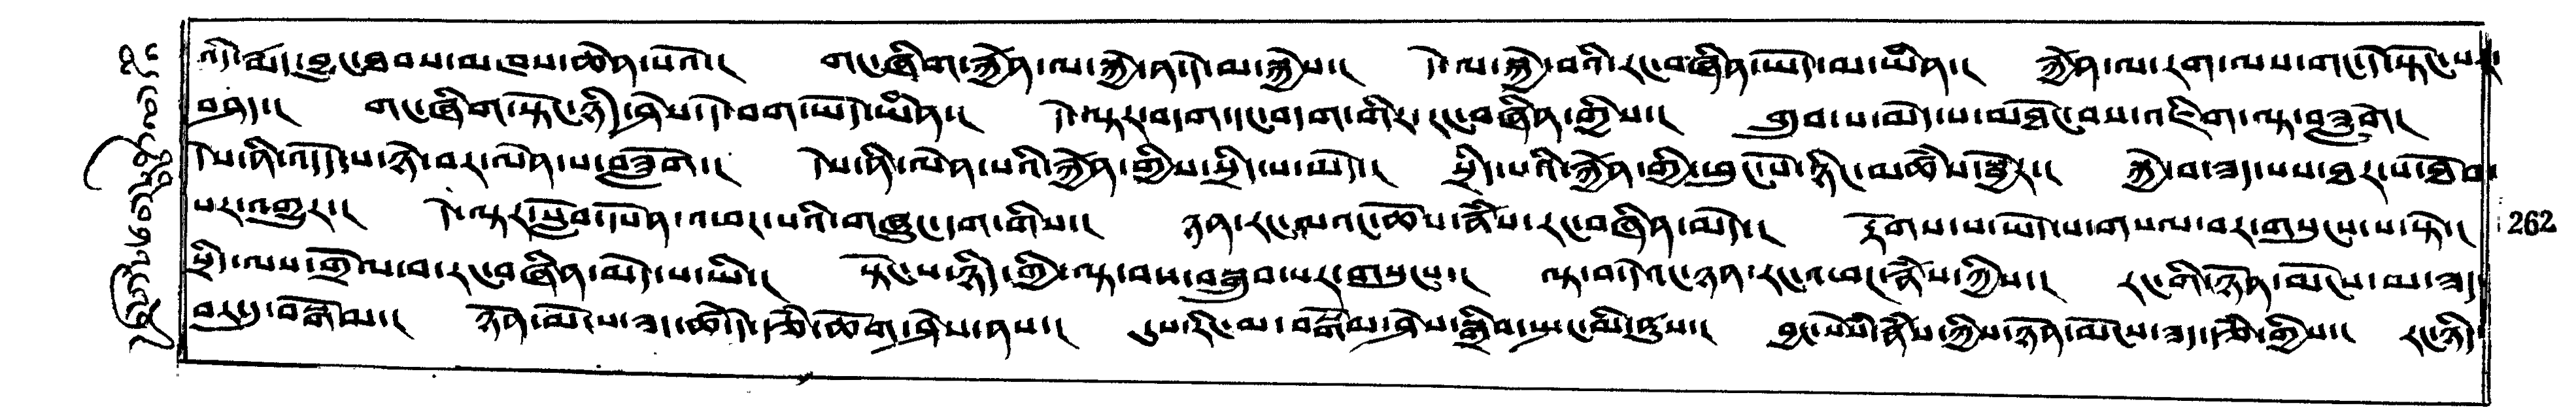འདི་ཉིད་རྨད་བྱུང་ཐབས་མཁས་ཆེན་པོའོ། །གང་ཞིག་རྐྱེན་ལས་སྐྱེས་པ་དེ་མ་སྐྱེས། །དེ་ལ་སྐྱེ་བའི་རང་བཞིན་ཡོད་མ་ཡིན། །རྐྱེན་ལ་རག་ལས་གང་དེ་སྟོང་པར་
བཤད། །གང་ཞིག་སྟོང་ཉིད་ཤེས་དེ་བག་ཡོད་ཡིན། །དེ་ལྟར་བདག་དང་བདག་གིར་རང་བཞིན་གྱིས། །གྲུབ་པ་མེད་པ་མཐོང་བས་འཇིག་ལྟ་ལྡོག །དེས་ནི་འདོད་པ་ཉེ་བར་ལེན་པ་བཟློག 
དེས་ནི་འདོད་པ་ཉེ་བར་ལེན་པ་བཟློག། །དེས་ནི་ལེན་པའི་རྐྱེན་གྱིས་སྲིད་པ་མེད། །སྲིད་པའི་རྐྱེན་གྱིས་ཕུང་པོ་ཉིང་མཚམས་སྦྱོར། །སྐྱེ་བ་ཟད་པས་ཐར་པ་འཐོབ་
པར་འགྱུར། །དེ་ལྟར་སློབ་དཔོན་འཕགས་པའི་གཞུང་དག་གིས། །ཉན་རང་ལའང་ཆོས་རྣམས་རང་བཞིན་མེད། །རྟོགས་པ་ཡོད་པ་གསལ་བར་གསུངས་པ་སྟེ། །
སྲིད་ལས་གྲོལ་བ་རང་བཞིན་མེད་པ་ཡི། །སྟོང་པ་ཉིད་ཀྱི་ལྟ་བས་བསྒྲུབ་པར་གསུངས། །ལྟ་བ་དེའང་ཉན་རང་འཕགས་རྣམས་ཀྱིས། །རང་གི་ཉོན་མོངས་མ་ཟད་
བར་དུ་བསྒོམ། །ཉོན་མོངས་ཟད་ཚེ་དེ་ཙམ་ཆོག་ཤེས་ནས། །དུས་རིང་མ་བསྒོམ་ཤེས་སྒྲིབ་སྤང་མི་ནུས། །བྱང་སེམས་རྣམས་ཀྱིས་ཉོན་མོངས་ཟད་ཙམ་གྱིས། །རང་ཉིད་